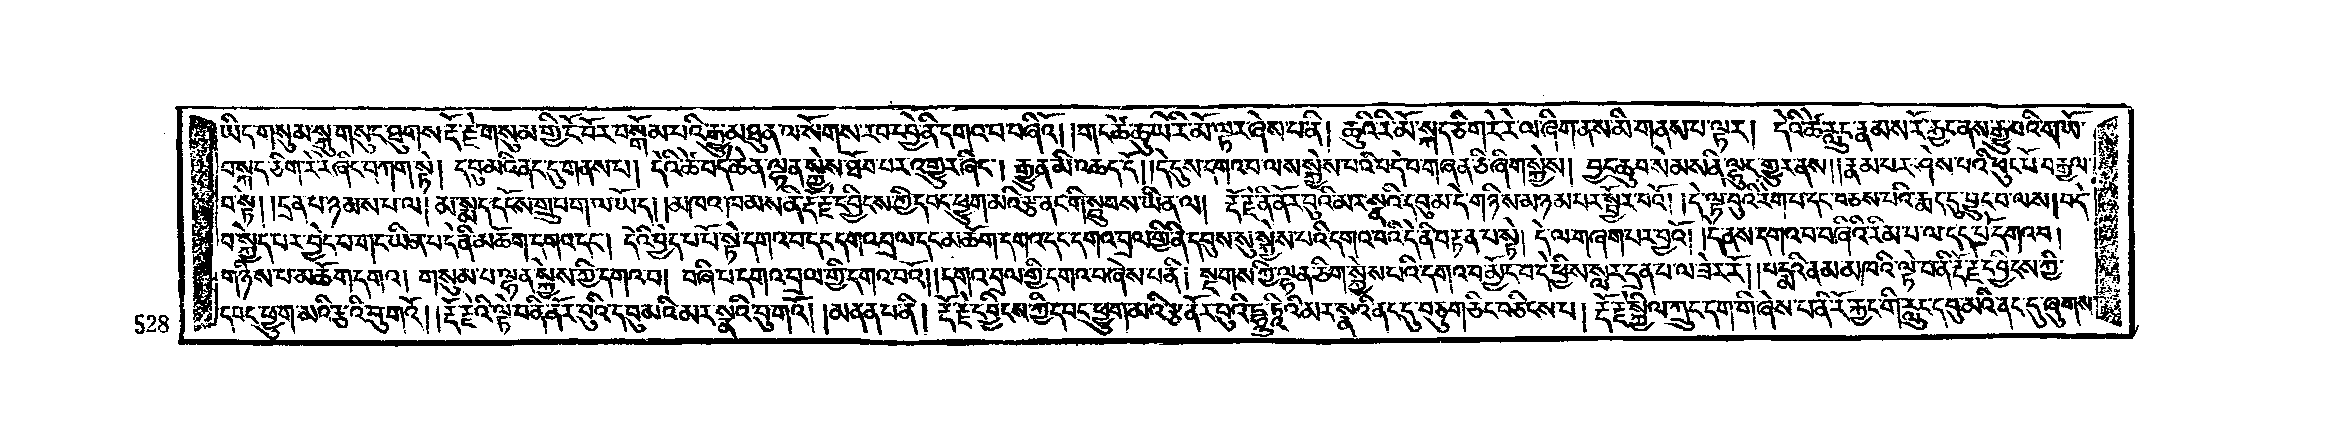ཡིད་གསུམ་སྐུ་གསུང་ཐུགས་རྡོ་རྗེ་གསུམ་གྱི་ངོ་བོར་བསྒོམ་པའི་རྒྱུ་མཐུན་ལ་སོགས་རབ་དབྱེ་ནི་དགའ་བ་བཞིའོ། །གང་ཚེ་ཆུ་ཡི་རི་མོ་ལྟར་ཞེས་པ་ནི། ཆུའི་རི་མོ་སྐད་ཅིག་རེ་རེ་ལ་ཞིག་ནས་མི་གནས་པ་ལྟར། དེའི་ཚེ་རླུང་རྣམས་རོ་རྐྱང་ནས་རྒྱུ་བའི་གཡོ་
བ་སྐད་ཅིག་རེ་རེ་ཞིང་བཀག་སྟེ། དབུ་མའི་ནང་དུ་གནས་པ། དེའི་ཚེ་བདེ་ཆེན་ལྷན་སྐྱེས་ཐོབ་པར་འགྱུར་ཞིང་། རྒྱུན་མི་འཆད་དོ། །དེ་དུས་དགའ་བ་ལས་སྐྱེས་པའི་བདེ་བ་གཞན་ཅི་ཞིག་སྐྱེས། བྱང་ཆུབ་སེམས་ནི་ལྷུང་གྱུར་ནས། །རྣམ་པར་ཤེས་པའི་ཕུང་པོ་བརྒྱལ་
བ་སྟེ། །དྲན་པ་ཉམས་པ་ལ། མ་སྨད་དངོས་གྲུབ་ག་ལ་ཡོད། །མཁའ་ཁམས་ནི་རྡོ་རྗེ་དབྱིངས་ཀྱི་དབང་ཕྱུག་མའི་རྩ་ནང་གི་སྦུབས་ཡིན་ལ། རྡོ་རྗེ་ནི་ནོར་བུའི་མར་སྣའི་དབུ་མ་དེ་གཉིས་མཉམ་པར་སྦྱོར་བའོ། །དེ་ལྟ་བུའི་རེག་པ་དང་བཅས་པའི་རྨད་དུ་བྱུང་བ་ལས། བདེ་
བ་སྐྱེད་པར་བྱེད་པ་གང་ཡིན་པ་དེ་ནི་མཆོག་དགའ་དང་། དེའི་བྱེད་པ་པོ་སྟེ་དགའ་བ་དང་དགའ་བྲལ་དང་མཆོག་དགའ་དང་དགའ་བྲལ་གྱི་ནི་དབུས་སུ་སྐྱེས་པའི་དགའ་བའི་དེ་ནི་བརྟན་པ་སྟེ། དེ་ལ་གཞག་པར་བྱའོ། །དེ་ནས་དགའ་བ་བཞིའི་རིམ་པ་ལ་དང་པོ་དགའ་བ།
གཉིས་པ་མཆོག་དགའ། གསུམ་པ་ལྷན་སྐྱེས་ཀྱི་དགའ་བ། བཞི་པ་དགའ་བྲལ་གྱི་དགའ་བའོ། །དགའ་བྲལ་གྱི་དགའ་བ་ཞེས་པ་ནི། སྔགས་ཀྱི་ལྷན་ཅིག་སྐྱེས་པའི་དགའ་བ་མྱོང་བ་དེ་ཕྱིས་སླར་དྲན་པ་ལ་ཟེར་རོ། །པདམའི་ནམ་མཁའི་ལྟེ་བ་ནི་རྡོ་རྗེ་དབྱིངས་ཀྱི་
དབང་ཕྱུག་མའི་རྩའི་བུ་གའོ། །རྡོ་རྗེའི་ལྟེ་བ་ནི་ནོར་བུའི་དབུ་མའི་མར་སྣའི་བུ་གའོ། །མནན་པ་ནི། རྡོ་རྗེ་དབྱིངས་ཀྱི་དབང་ཕྱུག་མའི་རྩ་ནོར་བུའི་དྷཱུ་ཏཱིའི་མར་སྣའི་ནང་དུ་བཅུག་ཅིང་བཅིངས་པ། རྡོ་རྗེ་སྐྱིལ་ཀྲུང་དག་གི་ཞེས་པ་ནི་རོ་རྐྱང་གི་རླུང་དབུ་མའི་ནང་དུ་ཞུགས་